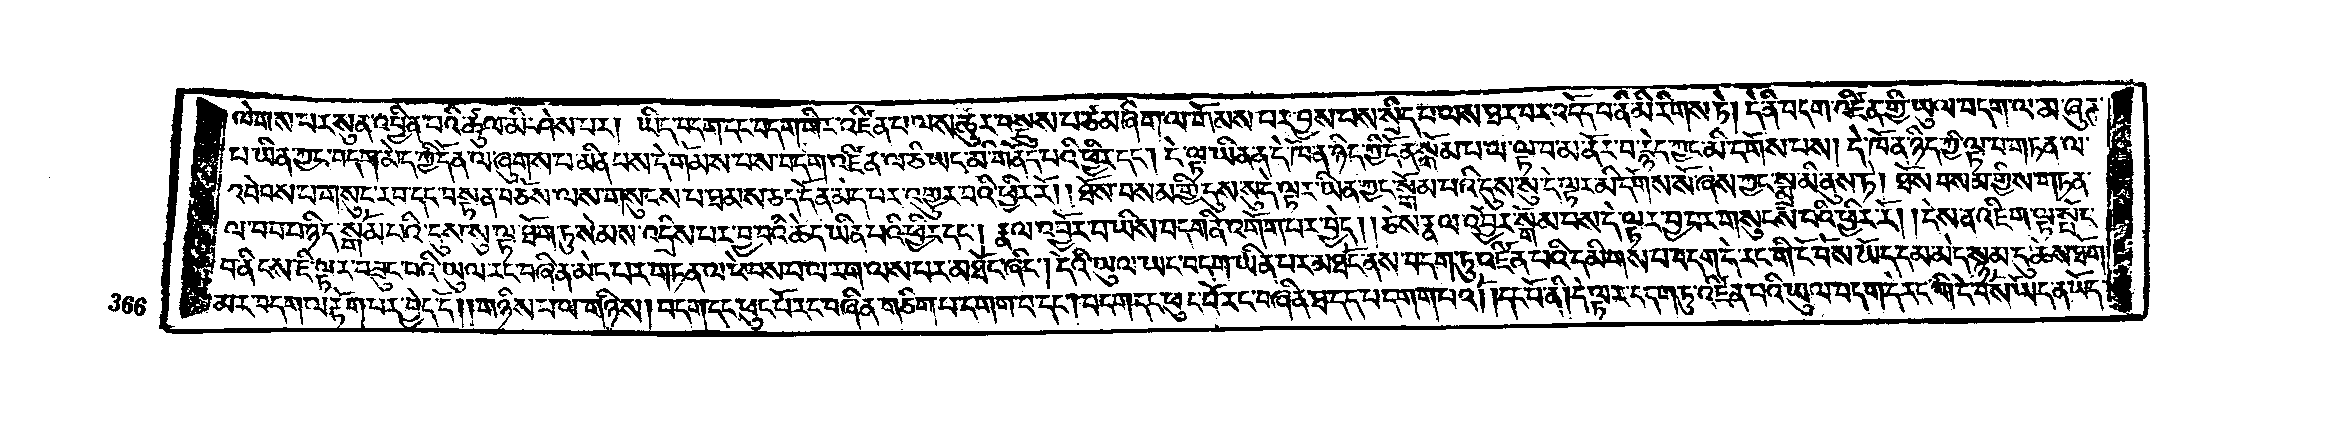ལེགས་པར་སུན་འབྱིན་པའི་ཚུལ་མི་ཤེས་པར། ཡིད་བདག་དང་བདག་གིར་འཛིན་པ་ལས་ཚུར་བསྡུས་པ་ཙམ་ཞིག་ལ་གོམས་པར་བྱས་པས་སྲིད་པ་ལས་ཐར་བར་འདོད་པ་ནི་མི་རིགས་ཏེ། དེ་ནི་བདག་འཛིན་གྱི་ཡུལ་བདག་ལ་མ་ཞུཌ་
པ་ཡིན་ཀྱང་བདག་མེད་ཀྱི་དོན་ལ་ཞུགས་པ་མིན་པས་དེ་གོམས་པས་བདག་འཛིན་ལ་ཅི་ཡང་མི་གནོད་པའི་ཕྱིར་དང་། དེ་ལྟ་ཡིན་ན་དེ་ཁོ་ན་ཉིད་ཀྱི་དོན་སྒོམ་པ་ལ་ལྟ་བ་མ་ནོར་བ་རྙེད་ཀྱང་མི་དགོས་པས། དེ་ཁོ་ན་ཉིད་ཀྱི་ལྟ་བ་གཏན་ལ་
འབེབས་པ་གསུང་རབ་དང་བསྟན་བཅོས་ལས་གསུངས་པ་ཐམས་ཅད་དོན་མེད་པར་འགྱུར་བའི་ཕྱིར་རོ། །ཐོས་བསམ་གྱི་དུས་སུ་དེ་ལྟར་ཡིན་ཀྱང་སྒོམ་པའི་དུས་སུ་དེ་ལྟར་མི་དགོས་སོ་ཞེས་ཀྱང་སྨྲ་མི་ནུས་ཏ། ཐོས་བསམ་གྱིས་གཏན་
ལ་བབ་པ་ཉིད་སྒོམ་པའི་དུས་སུ་ལྟ་ཐོག་ཏུ་སེམས་འདྲིས་པར་བྱ་བའི་ཆེད་ཡིན་པའི་ཕྱིར་དང་། རྣལ་འབྱོར་པ་ཡིས་བདག་ནི་འགེག་པར་བྱེད། །ཅེས་རྣལ་འབྱོར་སྒོམ་པས་དེ་ལྟར་བྱ་བར་གསུངས་པའི་ཕྱིར་རོ། །དེས་ན་འཇིག་ལྟ་སྤོང་
བ་ནི་ངེས་ཇི་ལྟར་བཟུང་བའི་ཡུལ་རང་བཞིན་མེད་པར་གཏན་ལ་ཕེབས་པ་ལ་རག་ལས་པར་མཐོང་ཞིང་། དེའི་ཡུལ་ཡང་བདག་ཡིན་པར་མཐོང་ནས་བདག་ཏུ་འཛིན་པའི་དམིགས་པ་བདག་དེ་རང་གི་ངོ་བོས་ཡོད་དམ་མེད་སྙམ་དུ་ཆོས་ཐོག་
མར་བདག་ལ་རྟོག་པར་བྱེད་དོ། །གཉིས་པ་ལ་གཉིས། བདག་དང་ཕུང་པོ་རང་བཞིན་གཅིག་པ་དགག་པ་དང་། བདག་དང་ཕུང་པོ་རང་བཞིན་ཐ་དད་པ་དགག་པའོ། །དང་པོ་ནི། དེ་ལྟར་བདག་ཏུ་འཛིན་པའི་ཡུལ་བདག་དེ་རང་གི་ངོ་བོས་ཡོད་ན་ཡོད་